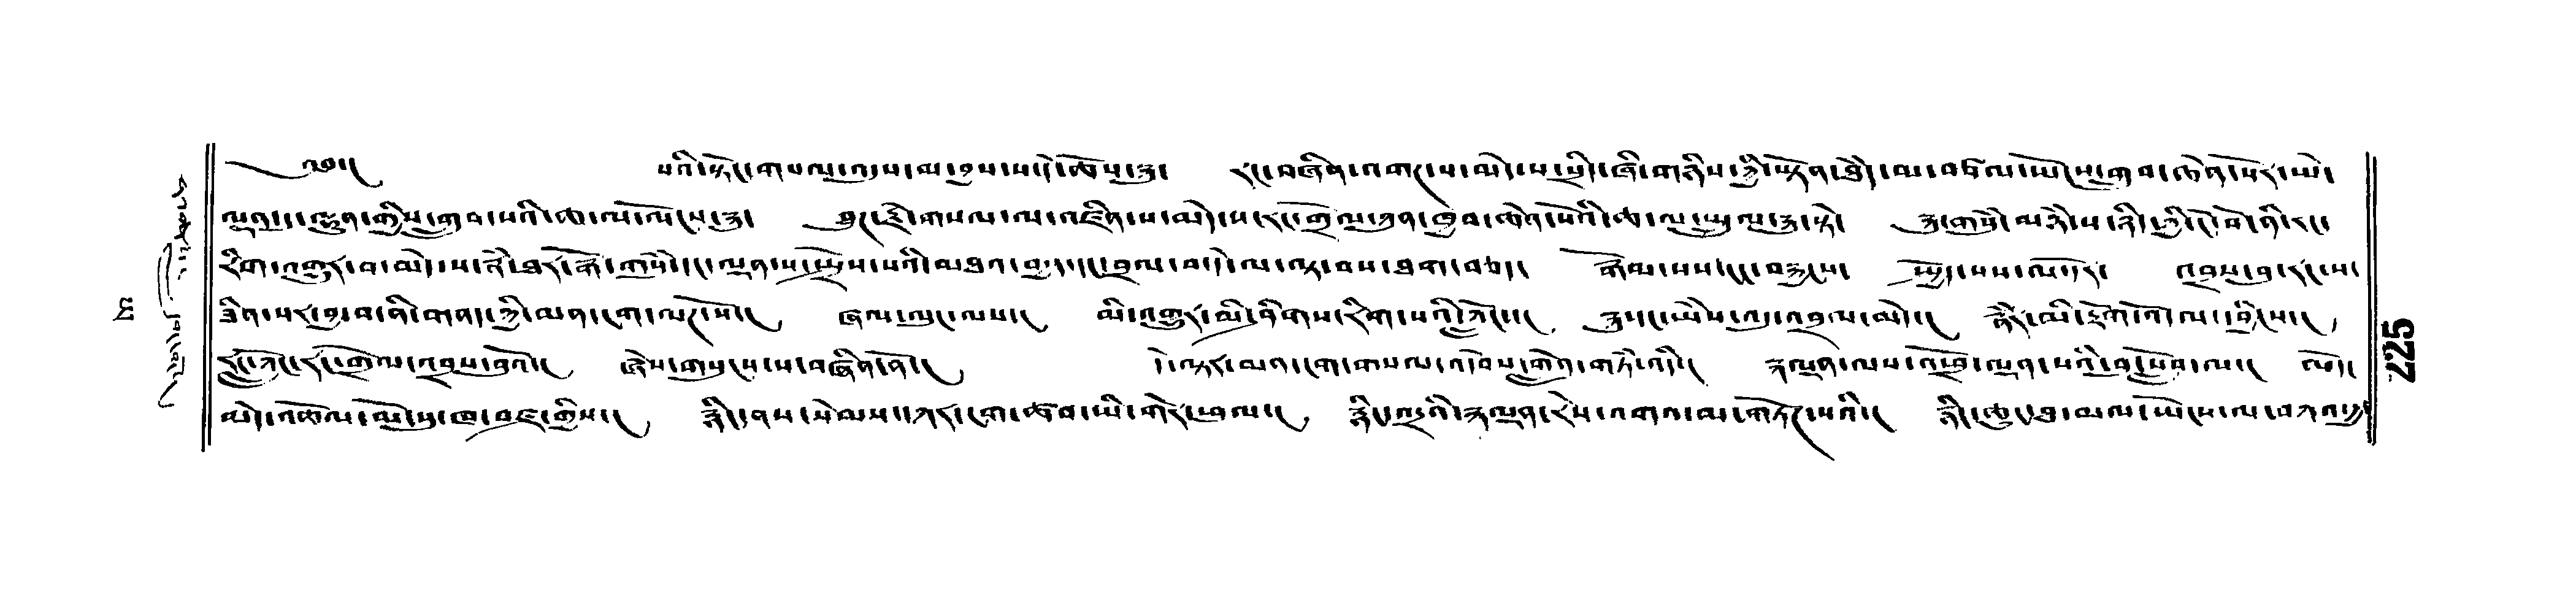པའི་སྟོང་གསལ་འདུས་མ་བྱས་པ་དེ་ཆོས་སྐུ། རང་བཞིན་འགགས་པ་མེད་པ་སྲིད་ཞི་གཉིས་ཀྱི་ཡོན་ཏན་ཐམས་ཅད་མ་བཙལ་ཡོངས་གྲུབ་ཆེན་པོར་ཡེ་
ལྡན་དུ་ལྷུན་གྱིས་གྲུབ་པའི་ཆ་ལ་ལོངས་སྐུ།ཐུགས་རྗེ་གསལ་ལ་འཛིན་པ་མེད་པ་རང་གྲོལ་ཀུན་ཁྱབ་ཆེན་པོའི་ཆ་ལ་སྤྲུལ་སྐུ་སྟེ། སྐུ་གསུམ་མཉམ་པ་ཉིད་ཀྱི་ངོ་བོ་ནི་རང་
རིག་འགྱུར་བ་མེད་པ་རྣམ་ཐར་སྒོ་གསུམ་དང་ལྡན་པ་སྤྲོས་པའི་མཐའ་བརྒྱད་དང་བྲལ་བ་དེ་ལ་ལྟ་བས་ཐག་བཅད། སྒོམ་པས་ངང་བསྐྱངས། སྤྱོད་པས་ལ་དོར། འབྲས་བུ་རང་ས་
ཟིན་པར་བྱ་བ་ནི་གནད་ཀྱི་མན་ངག་ལགས་སོ། ཞལ་ལུང་ལས། མི་འགྱུར་མི་ཤིགས་རིག་པའི་ཀློང་། །སྐུ་དང་ཡེ་ཤེས་འདུ་འབྲལ་མེད། །རྣམ་པར་མི་རྟོག་འོད་གསལ་དབྱིངས། །
རང་ཀློང་རང་གྲོལ་འབྲས་བུའོ། ཞེས་གསུངས་པ་བཞིན་ནོ། དེ་ལྟར་མན་ངག་གསལ་འདེབས་གླེན་གཏམ་འདི། །སྐལ་ལྡན་ལས་འཕྲོ་ལྡན་པའི་བུ་སློབ་ལ། །མདོ་
མེད་འཆོལ་མོ་སུ་ཁ་བཛྲ་གྱིས། སྙིང་ནས་སེམས་དཀར་ངག་ཚབ་ཡི་གེར་ཕུལ། །སྙིང་འདྲའི་སྐལ་ལྡན་རེས་འགའ་མ་གཏོགས་པའི། །སྙིང་ཆུང་ཐ་མལ་ཡོངས་ལ་བཀའ་རྒྱ་